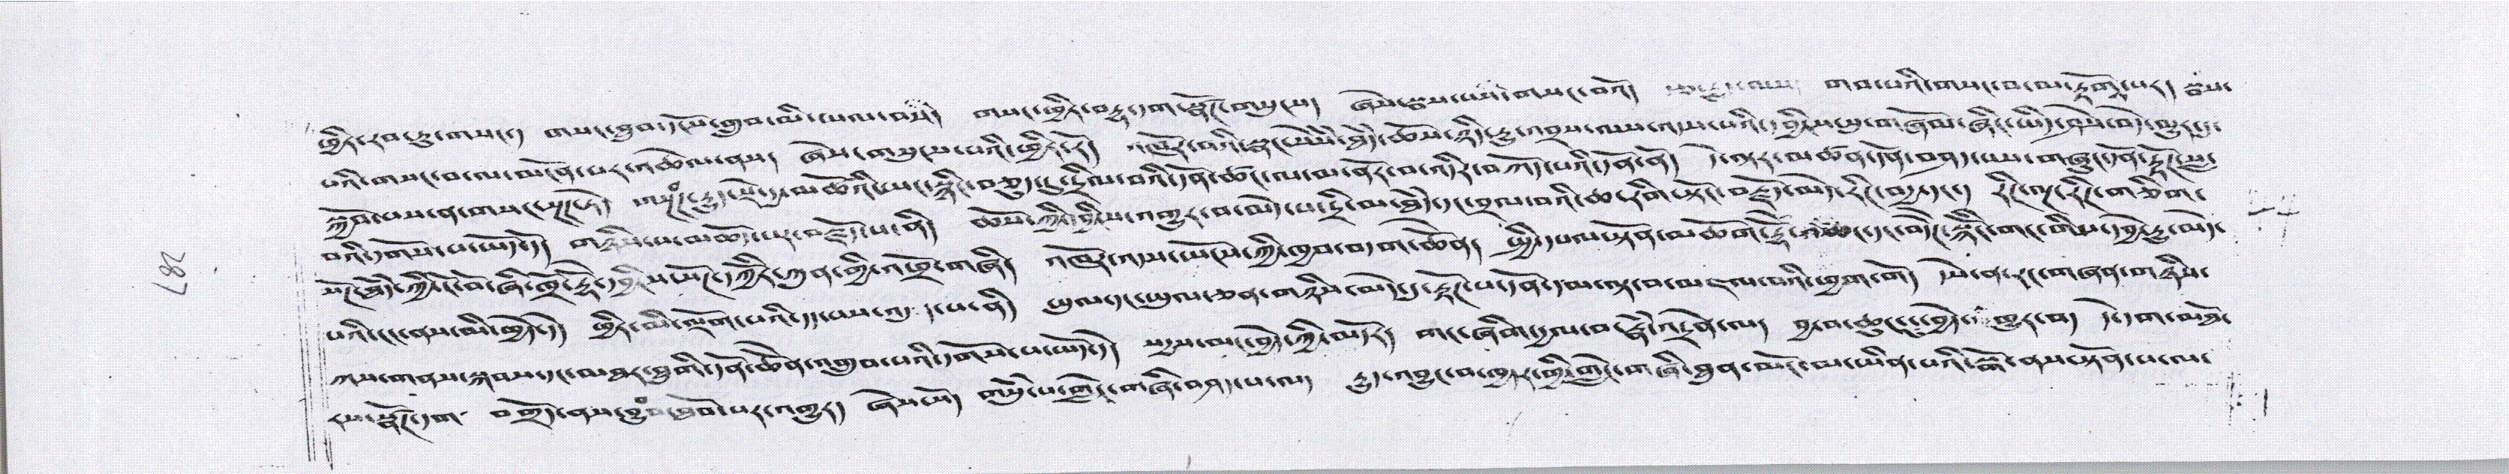ཕྱིར་རབ་ཏུ་གསང། གསང་ཐུབ་དངོས་གྲུབ་མི་ཡལ་བས། གསང་ཕྱིར་བརྡ་དག་སྣ་ཚོགས་གསུངས། ཞེས་སྦས་པའི་གསང་བའོ། རྩ་རྒྱུད་ལས། གབ་པའི་གསང་བ་མ་རྟོགས་པར། སྦས་
པའི་གསང་བ་ལ་མངོན་པར་འཆེལ་ནས། ཞེས་གསུངས་པའི་ཕྱིར་རོ། འཁོར་བའི་སྣང་སེམས་ཐམས་ཅད་ཆོས་ཉིད་རྒྱུ་འབྲས་ལས་འདས་པའི་དབྱིངས་སུ་གཞོམ་ཞིང་ཡིད་ཤེས་བདེ་མྱུར་དུ་
སྐྱོབ་པས་ན་གསང་སྔགས་ཏེ། གསང་སྔགས་རྒྱུད་སྡེ་རྒྱ་མཚོིའི་ཡང་སྙིང་བཅུད་དུ་དྲིལ་བའི་དོན་ཚང་ལ་མ་ནོར་བ་འདིར་བཀོད་པའི་དོན་ནོ། དེ་ལྟར་མཚན་དོན་བཤད་པས་གཞུང་དོན་རྟོགས་སླ་
བའི་དགོས་པ་ཡོད་དོ། གཉིས་པ་མཆོད་པར་བརྗོད་པ་ནི། ཆོས་ཀྱི་དབྱིངས་འགྱུར་བ་མེད་པ་དྲི་མ་ཐམས་ཅད་དང་བྲལ་བའི་ཆ་རིག་སྟོང་བརྗོད་མེད་རིགས་བརྒྱ་དང། རིགས་ལྔ་རིགས་གཅིག་
སོགས་ཐམས་ཅད་ཀྱི་ངོ་བོ་ཞི་ཁྲོ་རྡོ་རྗེ་དབྱིངས་སོགས་དཀྱིལ་འཁོར་ཀུན་གྱི་འཕྲོ་གཞི། འཁོར་འདས་ཡོངས་ཀྱི་ཁྱབ་བདག་ཆེན་པོ། སྤྱི་དཔལ་ཡོན་ཏན་མཆོག་རྡོ་རྗེ་འཆང་དང་བདེ་གཤེགས་སྙིང་པོ་གང་གིས་དབྱེ་རྒྱུ་མེད་
པའི་ངང་ནས་མི་ཕྱེད་དེ། ཕྱིར་མི་ལྡོག་པའི་དད་པས་འདུད་པ་ནི། ཡུལ་དང་ཡུལ་ཅན་གཉིས་མེད་དུ་རྟོགས་པ་དོན་དམ་ལྟ་བ་མཇལ་བའི་ཕྱག་གོ། དེས་ན་རང་གཞན་གཉིས་
ཀས་གནས་སྐབས་དང་མཐར་ཐུག་གི་དོན་ཆེན་པོ་འགྲུབ་པའི་དགོས་པ་ཡོད་དེ། སངས་རྒྱས་མང་བྱེད་ཀྱི་མདོར། གང་ཞིག་རྒྱལ་བ་རྣམ་འདྲེན་ལ། བྱ་བ་ཆུང་ངུ་བྱེད་འགྱུར་བ། དེ་དག་མཐོ་
རས་སྣ་ཚོགས་དག་བགྲོད་ནས་བྱང་ཆུབ་ཐོབ་པར་འགྱུར། ཞེས་སོ། གསུམ་པ་གླེང་གཞི་བཤད་པ་ལ། རྒྱུད་འབྱུང་བ་ཁྱད་པར་གྱི་གླེང་གཞི་ཐུན་མོང་མ་ཡིན་པའི་སྒོ་ནས་ཡོན་ཏན་ས་ལ་